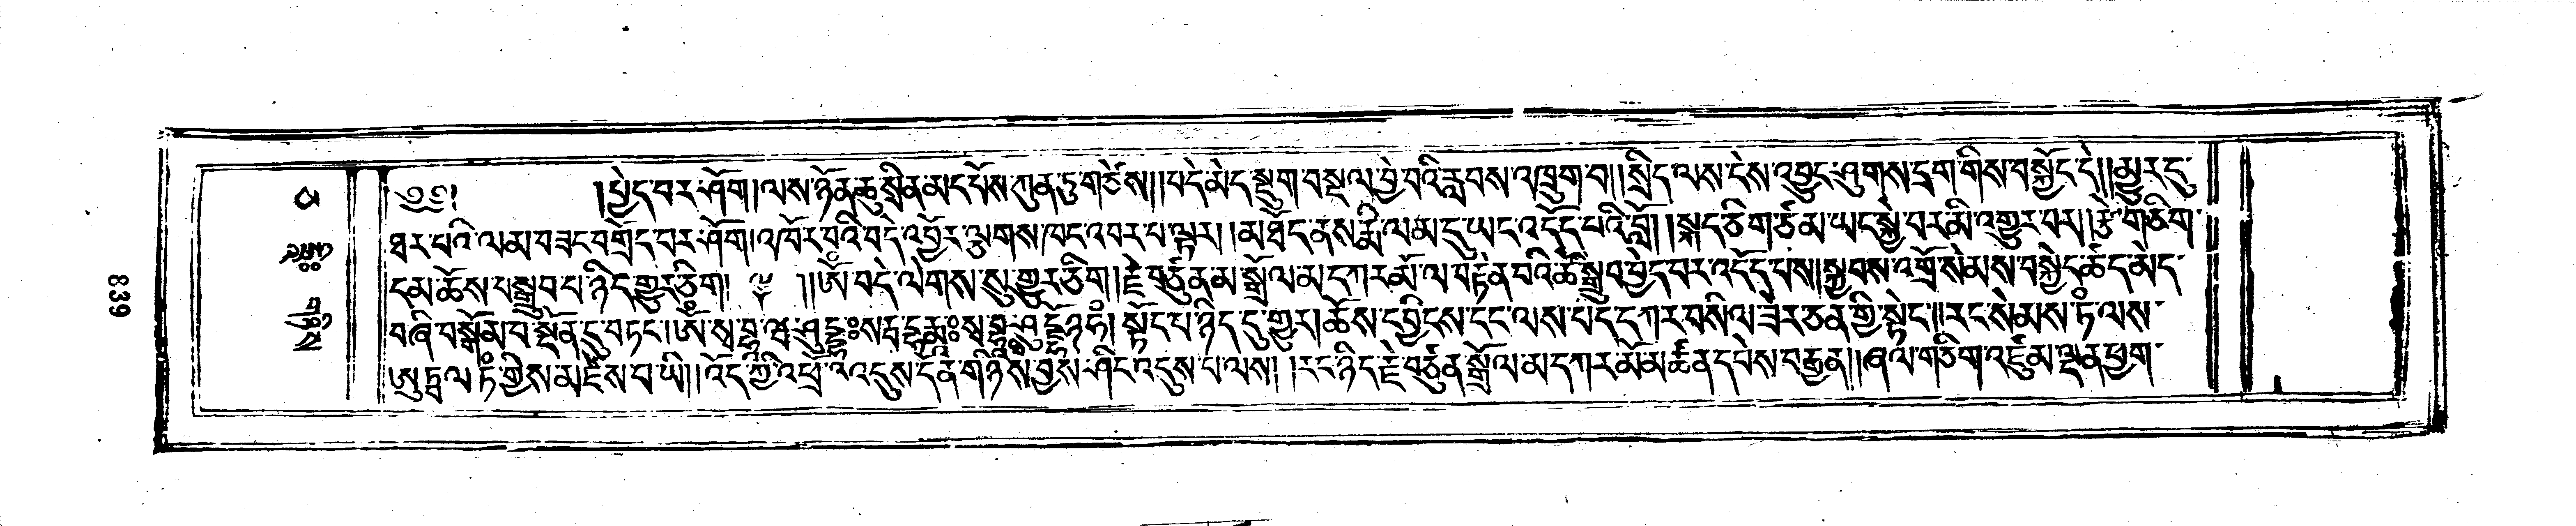༄༅། །བྱེད་པར་ཤོག །ལས་ཉོན་ཆུ་སྲིན་མང་པོས་ཀུན་ཏུ་གཙེས། །བདེ་མེད་སྡུག་བསྔལ་བྱེ་བའི་རླབས་འཁྲུག་པ། །སྲིད་ལས་ངེས་འབྱུང་ཤུགས་དྲག་གིས་བསྐྱོད་དེ། །མྱུར་དུ་
ཐར་པའི་ལམ་བཟང་བགྲོད་པར་ཤོག །འཁོར་བའི་བདེ་འབྱོར་ལྕགས་ཁང་འབར་བ་ལྟར། །མཐོང་ནས་རྨི་ལམ་དུ་ཡང་འདོད་པའི་བློ། །སྐད་ཅིག་ཙམ་ཡང་སྐྱེ་བར་མི་འགྱུར་བར། །རྩེ་གཅིག་
དམ་ཆོས་བསྒྲུབ་པ་ཉིད་གྱུར་ཅིག ། ༈ །།ཨོཾ་བདེ་ལེགས་སུ་གྱུར་ཅིག །རྗེ་བཙུན་མ་སྒྲོལ་མ་དཀར་མོ་ལ་བརྟེན་པའི་ཚེ་སྒྲུབ་བྱེད་པར་འདོད་པས། སྐྱབས་འགྲོ་སེམས་བསྐྱེད་ཚད་མེད་
བཞི་བསྒོམ་པ་སྔོན་དུ་བཏང་། ཨོཾ་སྭ་བྷཱ་ཝ་ཤུདྡྷཱཿ སརྦ་དྷརྨཱཿ སྭ་བྷཱ་ཤུདྡྷོ་ཉཧཾ། སྟོང་པ་ཉིད་དུ་གྱུར། ཆོས་དབྱིངས་ངང་ལས་པད་དཀར་བསིལ་ཟེར་ཅན་གྱི་སྟེང་། །རང་སེམས་ཏཾ་ལས་
ཨུཏྤལ་ཏཾ་གྱིས་མཛེས་པ་ཡི། །འོད་ཀྱི་འཕྲོ་འདུས་དོན་གཉིས་བྱས་ཤིང་འདུས་པ་ལས། །རང་ཉིད་རྗེ་བཙུན་སྒྲོལ་མ་དཀར་མོ་མཚན་དཔེས་བརྒྱན། །ཞལ་གཅིག་འཛུམ་ལྡན་ཕྱག་